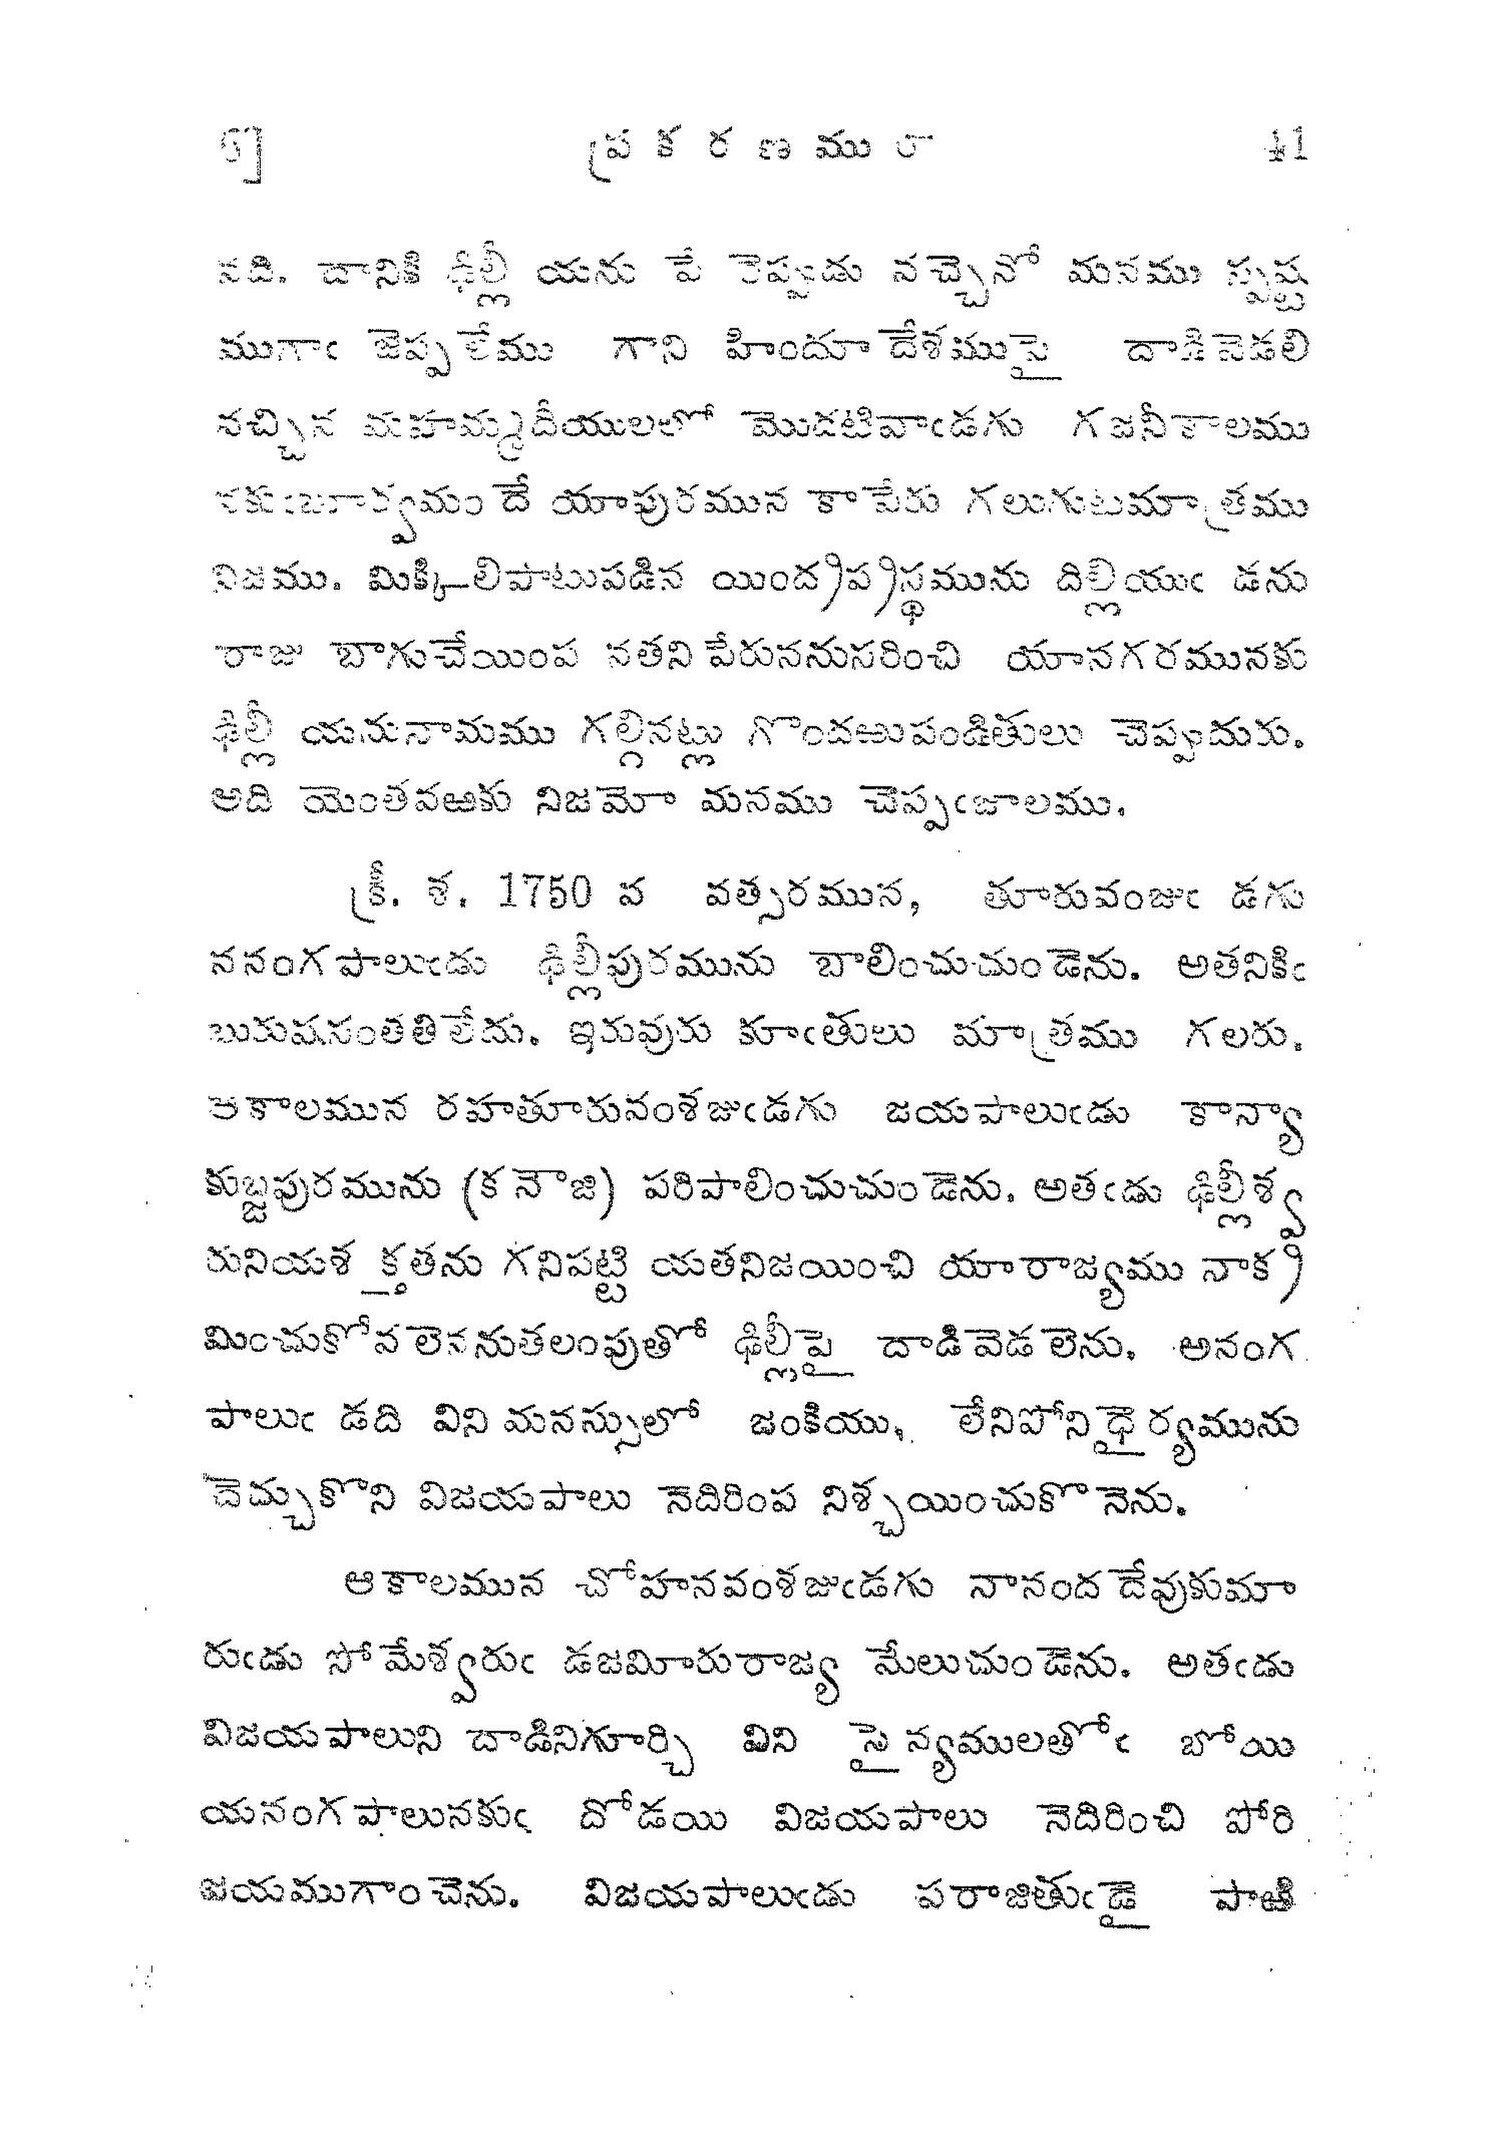వది. దానికి డిల్లీ యను పేరెప్పుడు వచ్చెనో మనము స్పష్ట ముగాఁ జెప్పలేము గాని హిందూ దేశముపై దాడి వెడలి వచ్చిన మహమ్మదీయులలో మొదటివాఁడగు గజనీ కాలము నకు పూర్వమందే యాపురమున కాపేరు గలుగుట మాత్రము నిజము. మిక్కిలి పాటుపడిన యింద్రప్రస్థమును దిల్లియుఁ డను "రాజు "బాగుచేయింప నతని పేరుననుసరించి యానగరమునకు ఢిల్లీ యను నామము గల్గినట్లు గొందఱుపండితులు చెప్పుదురు. ఆది యెంతవజకు నిజమో మనము చెప్పఁజాలము.

క్రీ. శ. 1750 న వత్సరమున, తూరువంజుం డగు ననంగపాలుడు ఢిల్లీపురమును బాలించుచుండెను. అతనికిఁ బురుష.సంతతి లేదు. ఇరువురు కూఁతులు మాత్రము గలరు. ఆ కాలమున రహతూరువంశజుఁడగుకాన్యాకుబ్జపురమును (క నౌజ) పరిపాలించుచుండెను. అతఁడు ఢిల్లీశ్వరునియశ క్తతను గనిపట్టి యతనిజయించి యారాజ్యము నాక్ర మించుకోన వలెనను తలంపుతో ఢిల్లి పై దాడి వెడలెను, అనంగ పాలుఁ డది విని మనస్సులో జంకియు,. లేనిపోని ధైర్యమును చెచ్చుకొని విజయపాలు నెదిరింప నిశ్చయించుకొనెను.

ఆ కాలమున చోహనవంశజుఁడగు నానంద దేవుకుమా రుఁడు సోమేశ్వరుఁ డజమీరు రాజ్య మేలుచుండెను. అతఁడు విజయపాలుని దాడినిగూర్చి విని సైన్యములతోఁ బోయి యనంగ పాలునకుఁ దోడయి విజయపాలు నెదిరించి పోరి జయముగాంచెను. విజయపాలుఁడు పరాజితుఁడై పారి